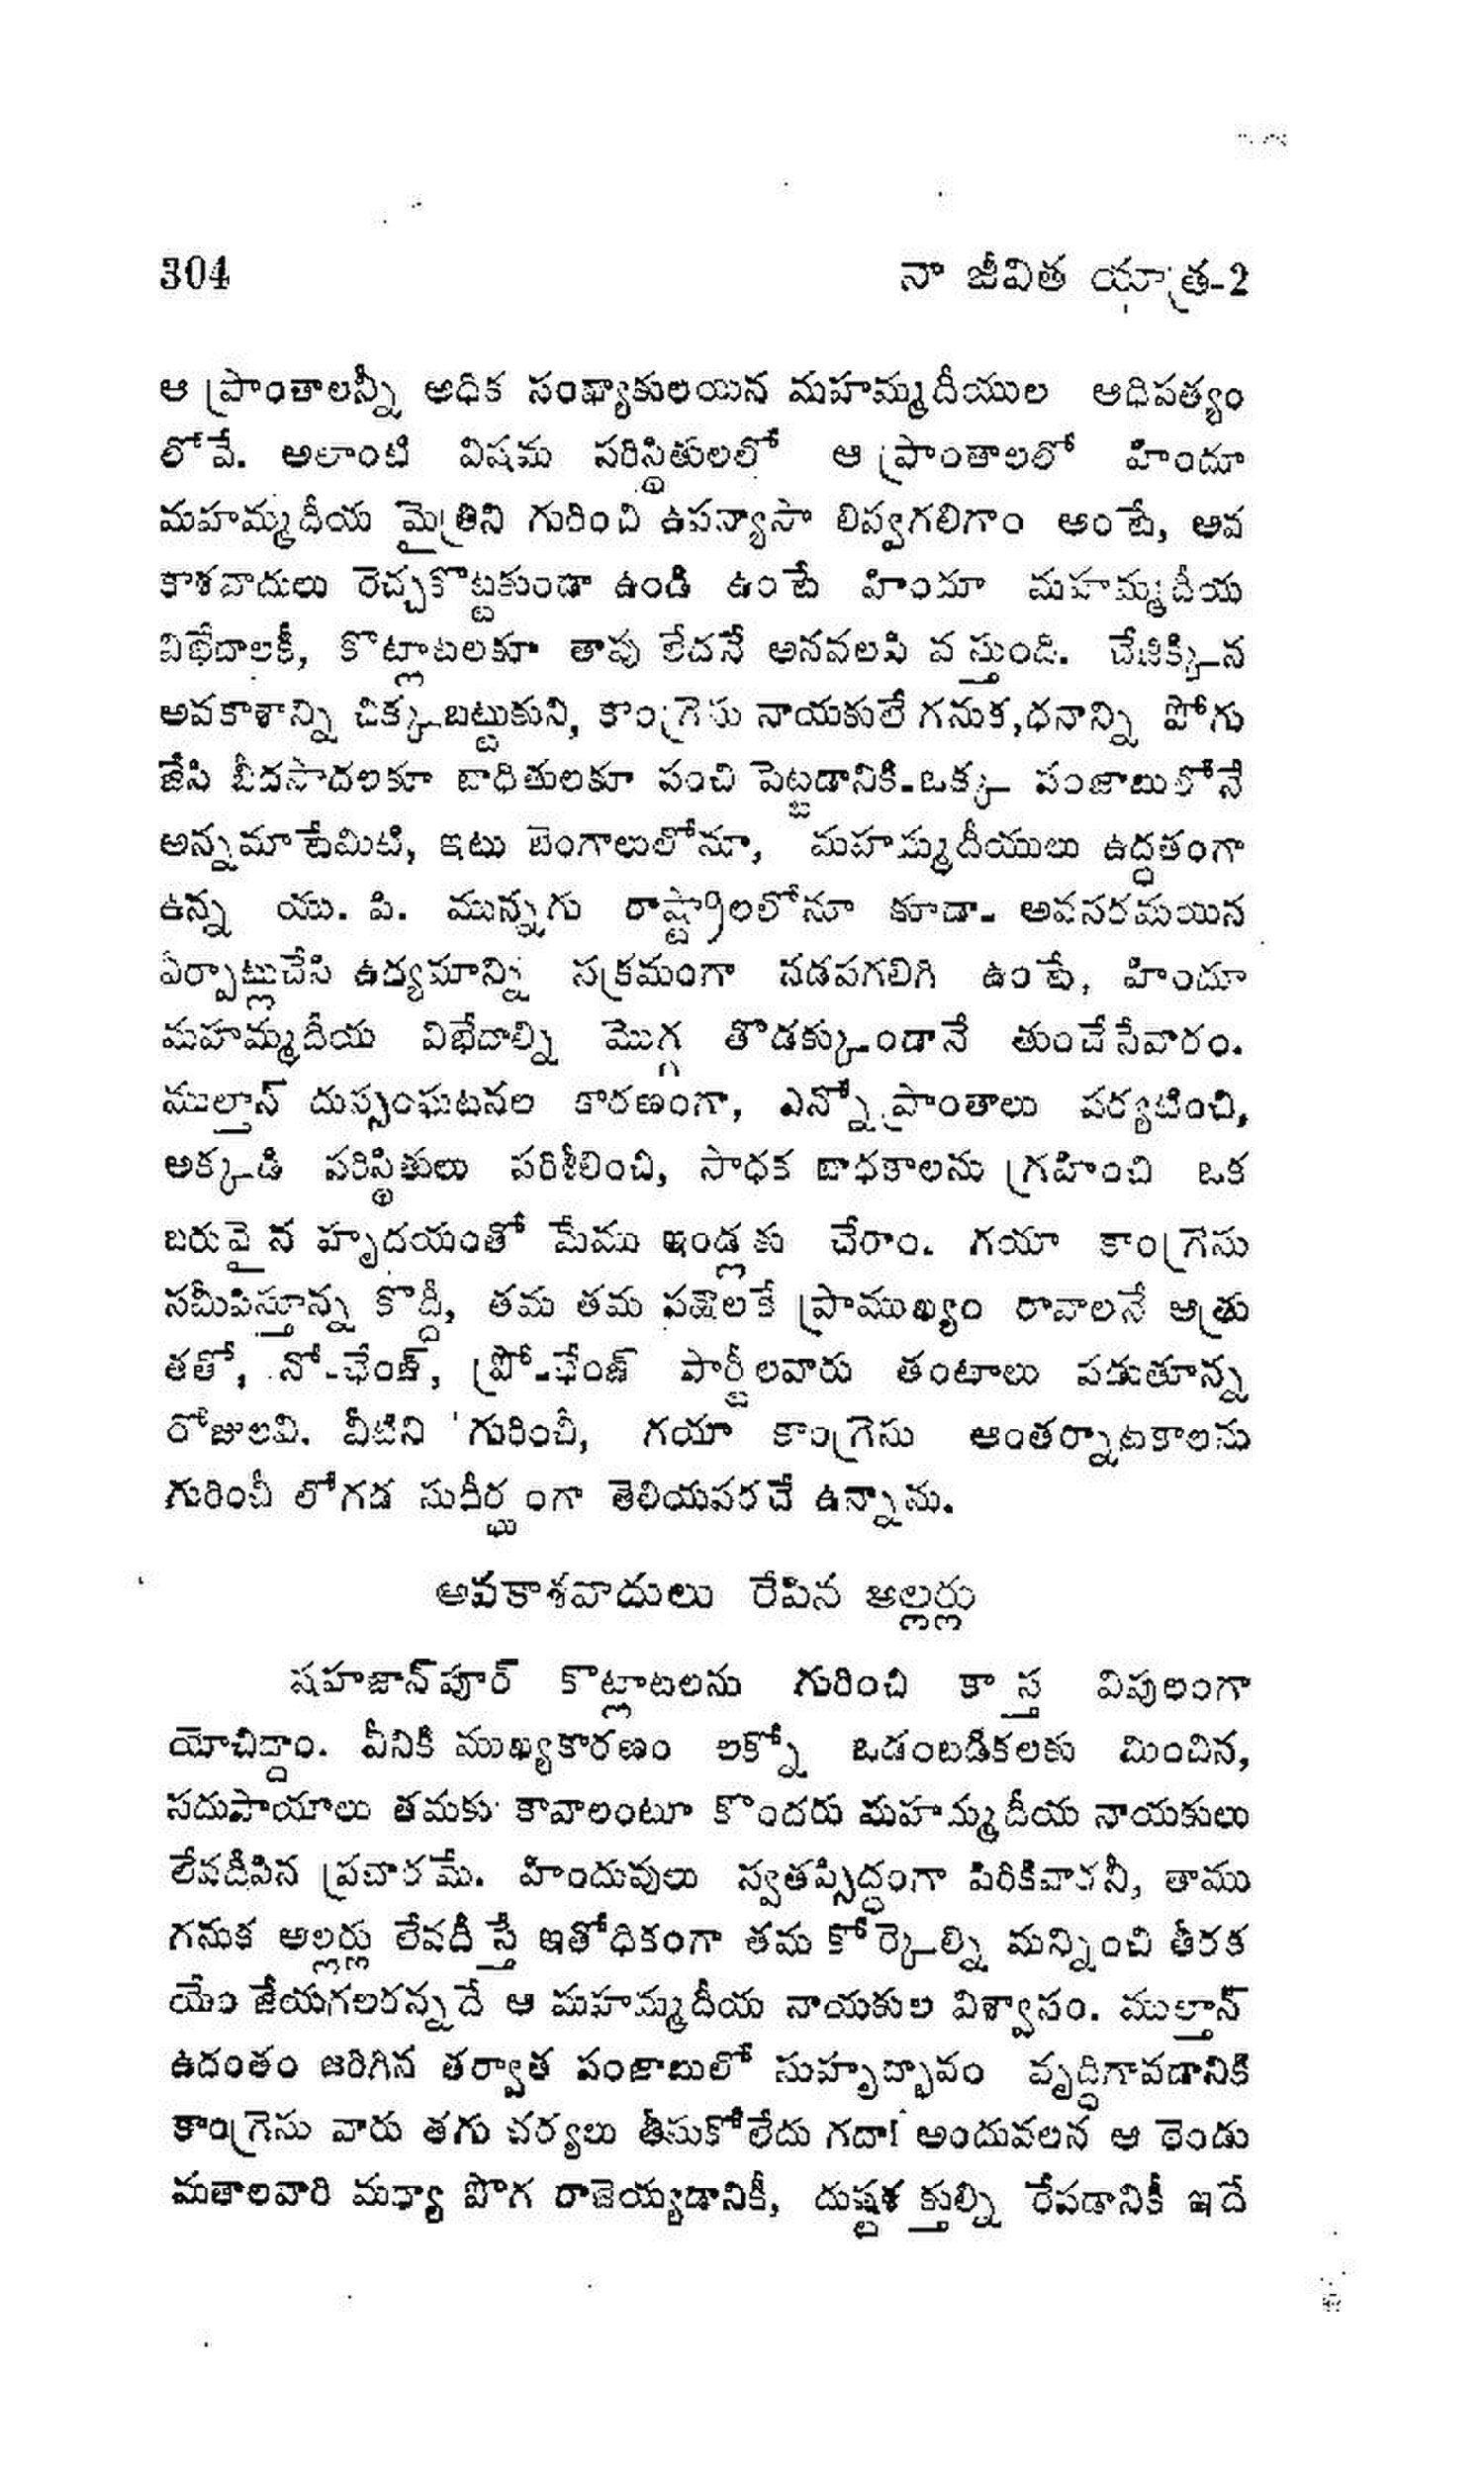ఆ ప్రాంతాలన్నీ అధిక సంఖ్యాకులయిన మహమ్మదీయుల ఆధిపత్యంలోవే. అలాంటి విషమ పరిస్థితులలో ఆ ప్రాంతాలలో హిందూ మహమ్మదీయ మైత్రిని గురించి ఉపన్యాసా లివ్వగలిగాం అంటే , అవకాశవాదులు రెచ్చకొట్టకుండా ఉండి ఉంటే హిందూ మహమ్మదీయ విభేదాలకీ, కొట్లాటలకూ తావు లేదనే అనవలసి వస్తుంది. చేజిక్కిన అవకాశాన్ని చిక్కబట్టుకుని, కాంగ్రెసు నాయకులే గనుక, ధనాన్ని పోగుజేసి బీదసాదలకూ బాధితులకూ పంచి పెట్టడానికి-ఒక్క పంజాబులోనే అన్నమాటేమిటి, ఇటు బెంగాలులోనూ, మహమ్మదీయులు ఉద్దతంగా ఉన్న యు.పి. మున్నగు రాష్ట్రాలలోనూ కూడా- అవసరమయిన ఏర్పాట్లుచేసి ఉద్యమాన్ని సక్రమంగా నడపగలిగి ఉంటే, హిందూ మహమ్మదీయ విభేదాల్ని మొగ్గ తొడక్కుండానే తుంచేసేవారం. ముల్తాన్ దుస్సంఘటనల కారణంగా, ఎన్నోప్రాంతాలు పర్యటించి, అక్కడి పరస్థితులు పరిశీలించి, సాధక బాధకాలను గ్రహించి ఒక బరువైన హృదయంతో మేము ఇండ్లకు చేరాం. గయా కాంగ్రెసు సమీపిస్తూన్న కొద్దీ, తమ తమ పక్షాలకే ప్రాముఖ్యం రావాలనే అత్రుతతో, నోఛేంజ్, ప్రోఛేంజ్ పార్టీలవారు తంటాలు పడుతూన్న రోజులవి. వీటిని గురించీ, గయా కాంగ్రెసు అంతర్నాటకాలను గురించీ లోగడ సుదీర్ఘంగా తెలియపరచే ఉన్నాను.

షహజాన్‌పూర్ కొట్లాటలను గురించి కాస్త విపులంగా యోచిద్దాం. వీనికి ముఖ్యకారణం లక్నో ఒడంబడికలకు మించిన, సదుపాయాలు తమకు కావలంటూ కొందరు మహమ్మదీయ నాయకులు లేవదీసిన ప్రచారమే. హిందువులు స్వతస్సిద్దంగా పిరికివారనీ, తాము గనుక అల్లర్లు లేవదీస్తే ఇతోధికంగా తమ కోర్కెల్ని మన్నించి తీరకయేం జేయగలరన్నదే అ మహమ్మదీయ నాయకుల విశ్వాసం. ముల్తాన్ ఉదంతం జరిగిన తర్వాత పంజాబులో సుహృద్భావం వృద్ధిగావడానికి కాంగ్రెసు వారు తగు చర్యలు తీసుకోలేదు గదా! అందువలన అ రెండు మతాలవారి మధ్యా పొగ రాజెయ్యడానికి, దుష్టశక్తుల్ని రేపడానికీ ఇదే